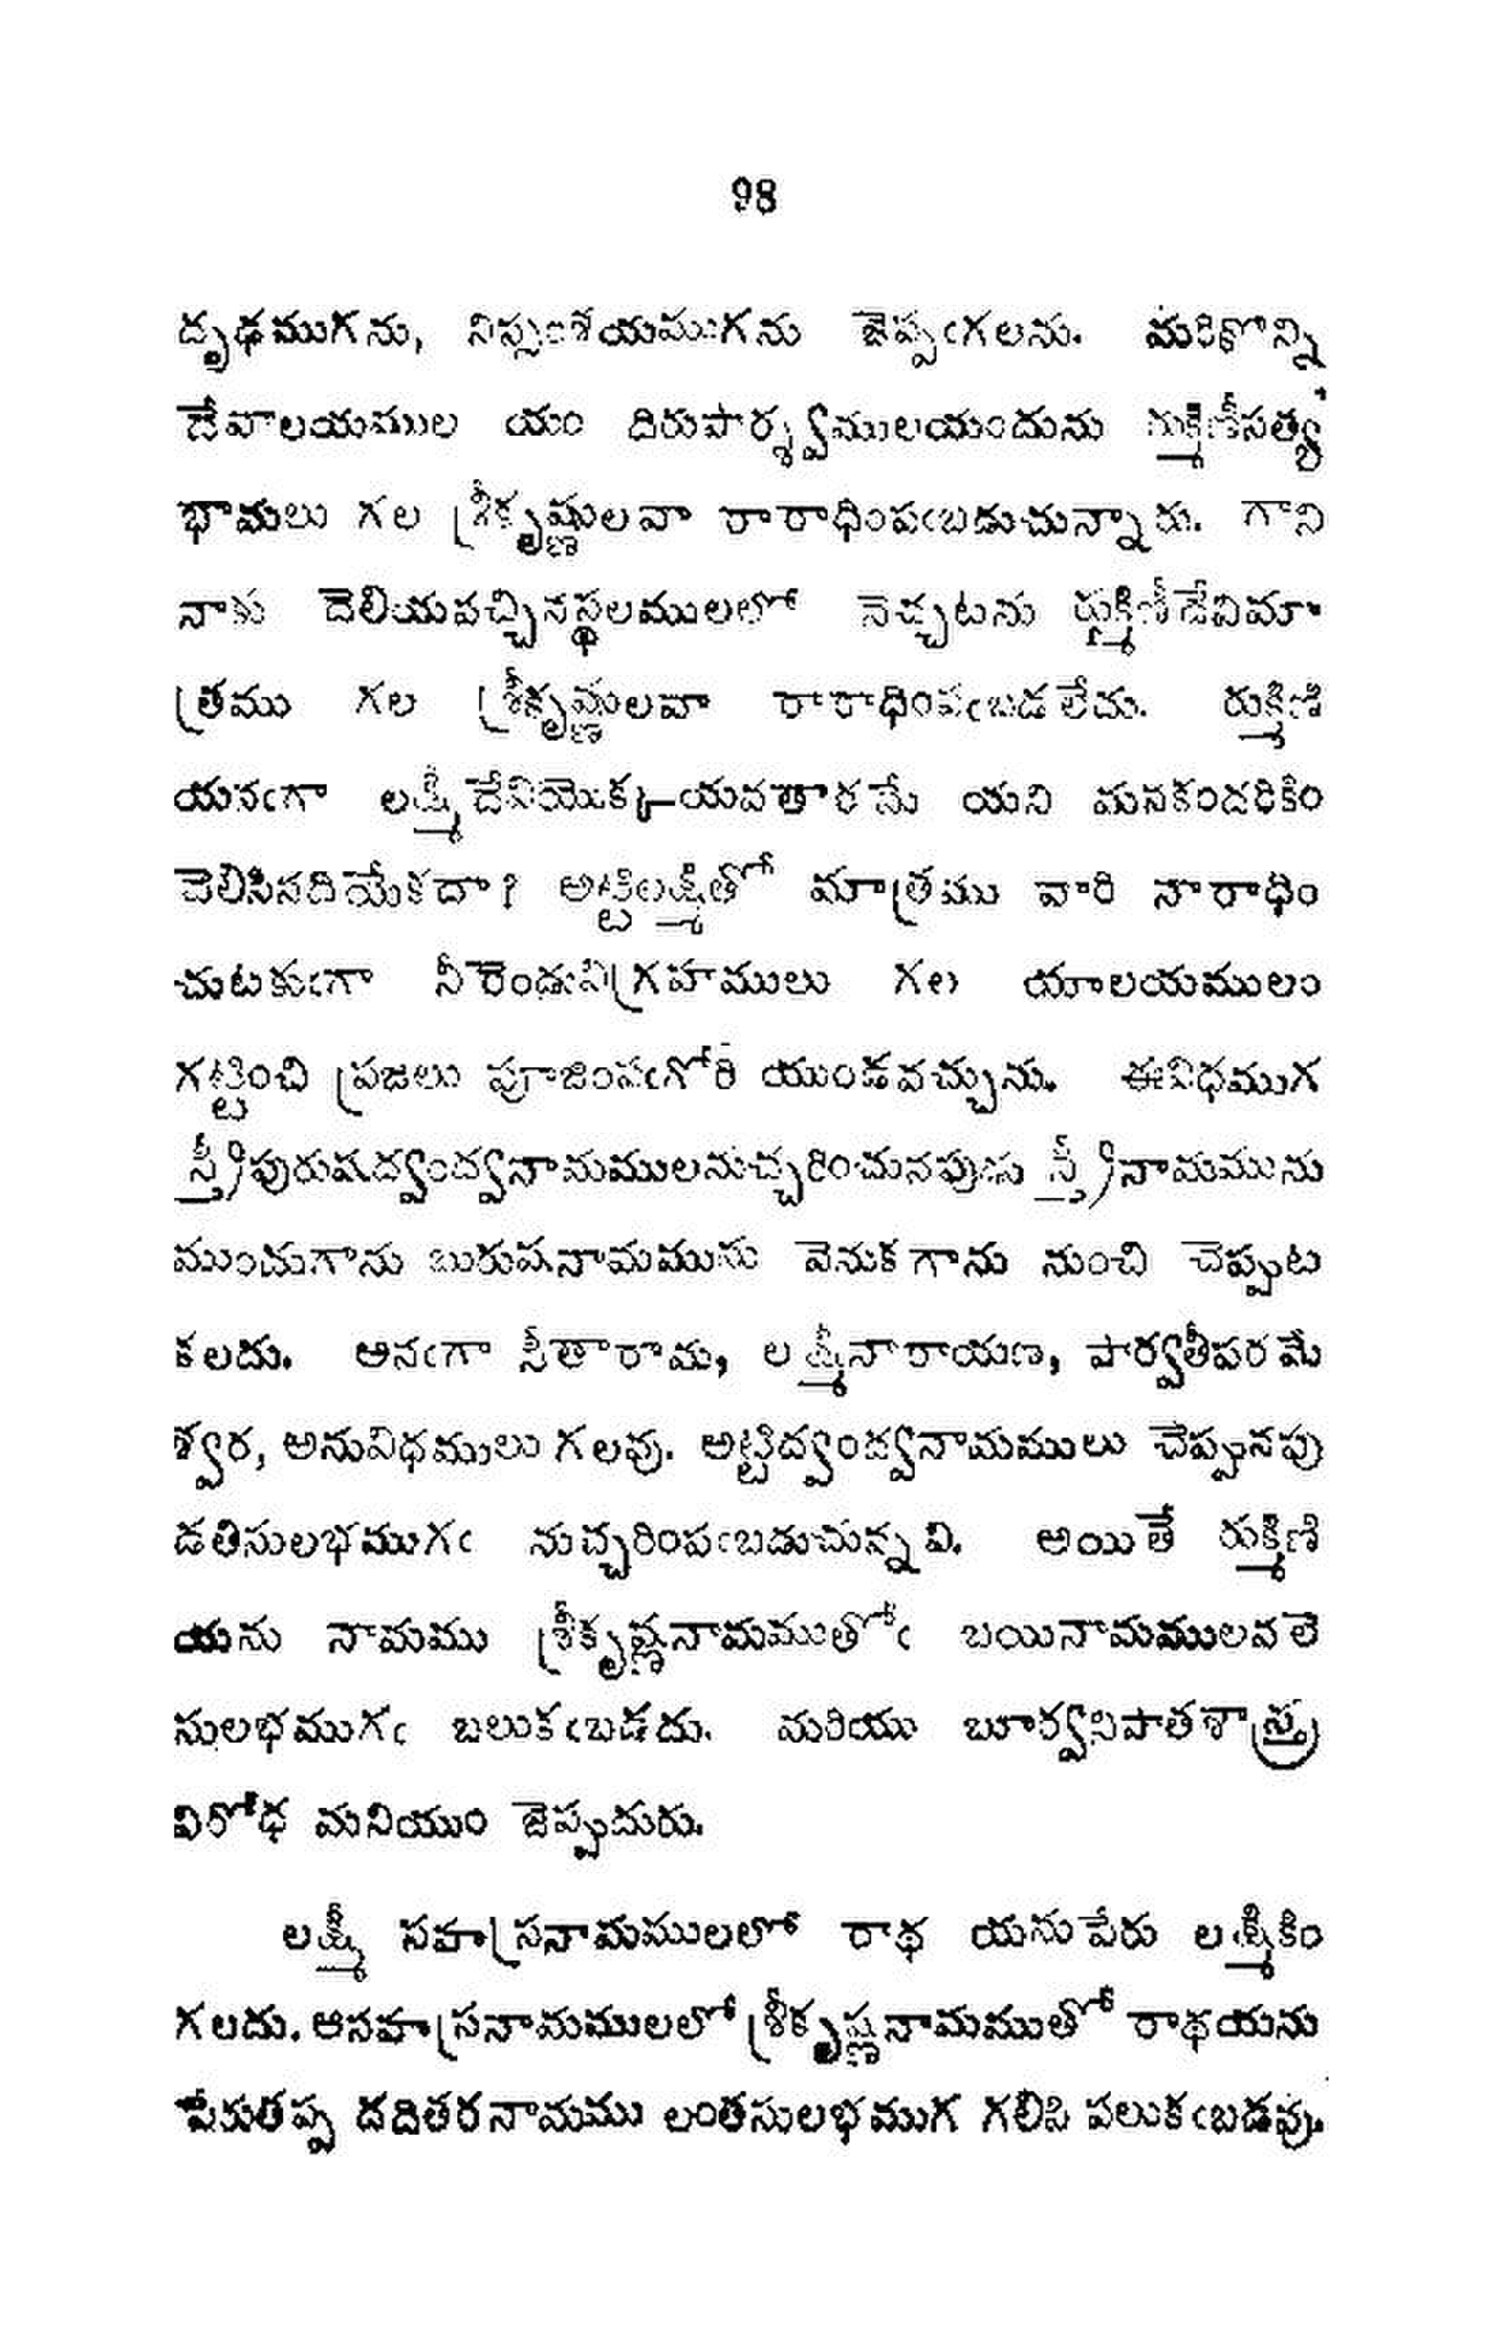దృఢముగను, నిస్సంశయముగను జెప్పఁగలను. మరికొన్ని దేవాలయముల యం దిరుపార్శ్వముల యందును రుక్మిణీసత్యభామలు గల శ్రీకృష్ణులవా రారాధింపఁబడుచున్నారు. గాని నాకు దెలియవచ్చినస్థలములలో నెచ్చటను రుక్మిణీదేవిమాత్రము గల శ్రీకృష్ణులవా రారాధింపఁబడలేదు. రుక్మిణి యనఁగా లక్ష్మీదేవియొక్కయవతారమే యని మనకందరికిం దెలిసినదియేకదా? అట్టిలక్ష్మితో మాత్రము వారి నారాధించుటకుఁగా నీరెండువిగ్రహములు గల యాలయములం గట్టించి ప్రజలు పూజింపగోరి యుండవచ్చును. ఈవిధముగ స్త్రీపురుషద్వంద్వనామములనుచ్చరించునపుడు స్త్రీనామమును ముందుగాను బురుషనామమును వెనుకగాను నుంచి చెప్పుట కలదు. అనఁగా సీతారామ, లక్ష్మీనారాయణ, పార్వతీపరమేశ్వర, అనువిధములు గలవు. అట్టిద్వంద్వనామములు చెప్పునపు డతిసులభముగఁ నుచ్చరింపఁబడుచున్నవి. అయితే రుక్మిణి యను నామము శ్రీకృష్ణనామముతోఁ బయినామములవలె సులభముగఁ బలుకఁబడదు. మరియు బూర్వనిపాతశాస్త్ర
విరోధ మనియుం జెప్పుదురు.

లక్ష్మీ సహస్రనామములలో రాథ యనుపేరు లక్ష్మికిం గలదు. ఆసహస్రనామములలో శ్రీకృష్ణనామముతో రాథయను పేరుతప్ప దదితరనామము లంతసులభముగ గలిపి పలుకఁబడవు.